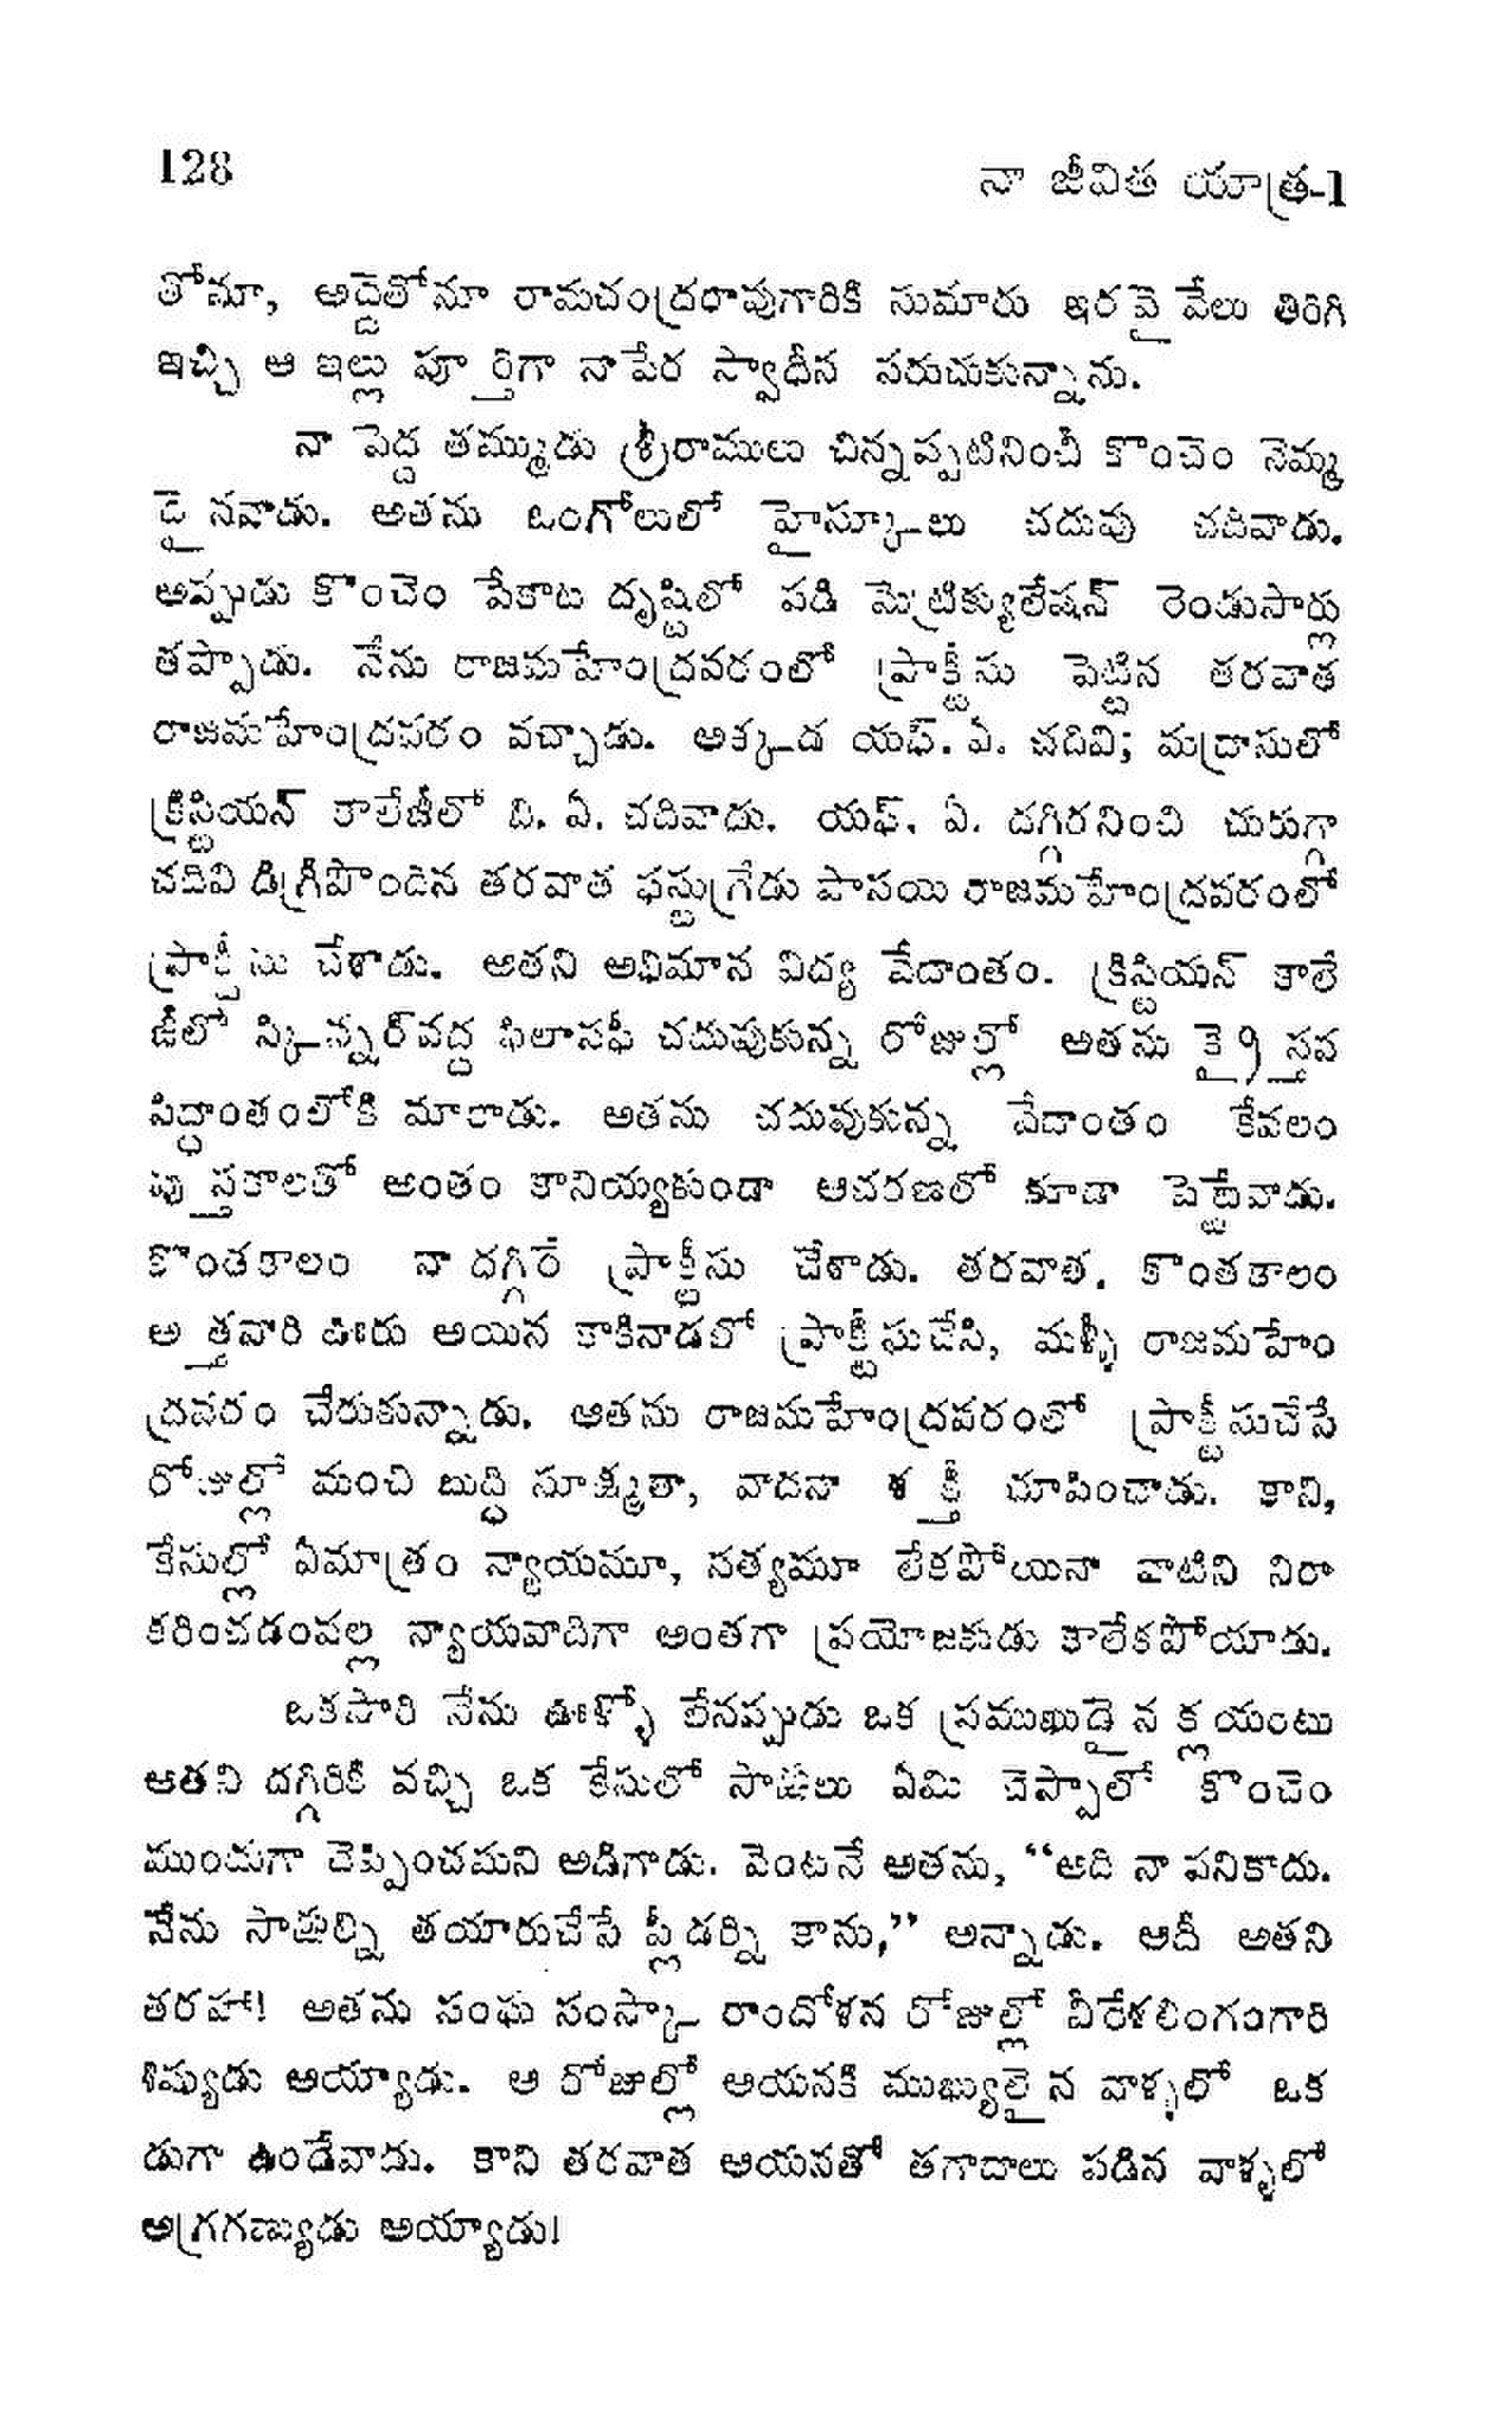తోనూ, అద్దెతోనూ రామచంద్రరావుగారికి సుమారు ఇరవైవేలు తిరిగి ఇచ్చి ఆ ఇల్లు పూర్తిగా నాపేర స్వాధీన పరుచుకున్నాను.

నా పెద్ద తమ్ముడు శ్రీరాములు చిన్నప్పటినించీ కొంచెం నెమ్మదైనవాడు. అతను ఒంగోలులో హైస్కూలు చదువు చదివాడు. అప్పుడు కొంచెం పేకాట దృష్టిలో పడి మెట్రిక్యులేషన్ రెండుసార్లు తప్పాడు. నేను రాజమహేంద్రవరంలో ప్రాక్టీసు పెట్టిన తరవాత రాజమహేంద్రవరం వచ్చాడు. అక్కడ యఫ్. ఏ. చదివి; మద్రాసులో క్రిస్టియన్ కాలేజీలో బి. ఏ. చదివాడు. యఫ్. ఏ. దగ్గిరనించి చురుగ్గా చదివి డిగ్రీపొందిన తరవాత ఫస్టుగ్రేడు పాసయి రాజమహేంద్రవరంలో ప్రాక్టీసు చేశాడు. అతని అభిమాన విద్య వేదాంతం. క్రిస్టియన్ కాలేజీలో స్కిన్నర్‌వద్ద ఫిలాసఫీ చదువుకున్న రోజుల్లో అతను క్రైస్తవ సిద్ధాంతంలోకి మారాడు. అతను చదువుకున్న వేదాంతం కేవలం పుస్తకాలతో అంతం కానియ్యకుండా ఆచరణలో కూడా పెట్టేవాడు. కొంతకాలం నా దగ్గిరే ప్రాక్టీసు చేశాడు. తరవాత కొంతకాలం అత్తవారి ఊరు అయిన కాకినాడలో ప్రాక్టీసుచేసి, మళ్ళీ రాజమహేంద్రవరం చేరుకున్నాడు. అతను రాజమహేంద్రవరంలో ప్రాక్టీసుచేసే రోజుల్లో మంచి బుద్ధి సూక్ష్మతా, వాదనా శక్తీ చూపించాడు. కాని, కేసుల్లో ఏమాత్ర న్యాయమూ, సత్యమూ లేకపోయినా వాటిని నిరాకరించడంవల్ల అంతగా ప్రయోజకుడు కాలేకపోయాడు.

ఒకసారి నేను ఊళ్ళో లేనప్పుడు ఒక ప్రముఖుడైన క్లయంటు అతని దగ్గిరికి వచ్చి ఒక కేసులో సాక్షులు ఏమి చెప్పాలో కొంచెం ముందుగా చెప్పించమని అడిగాడు. వెంటనే అతను, "అది నా పనికాదు, నేను సాక్షుల్ని తయారుచేసే ప్లీడర్ని కాను," అన్నాడు. అదీ అతని తరహా! అతను సంఘ సంస్కా రాందోళన రోజుల్లో వీరేశలింగంగారి శిష్యుడు అయ్యాడు. ఆ రోజుల్లో ఆయనకి ముఖ్యులైన వాళ్ళలో ఒకడుగా ఉండేవాడు. కాని తరవాత ఆయనతో తగాదాలు పడిన వాళ్ళలో అగ్రగణ్యుడు అయ్యాడు!